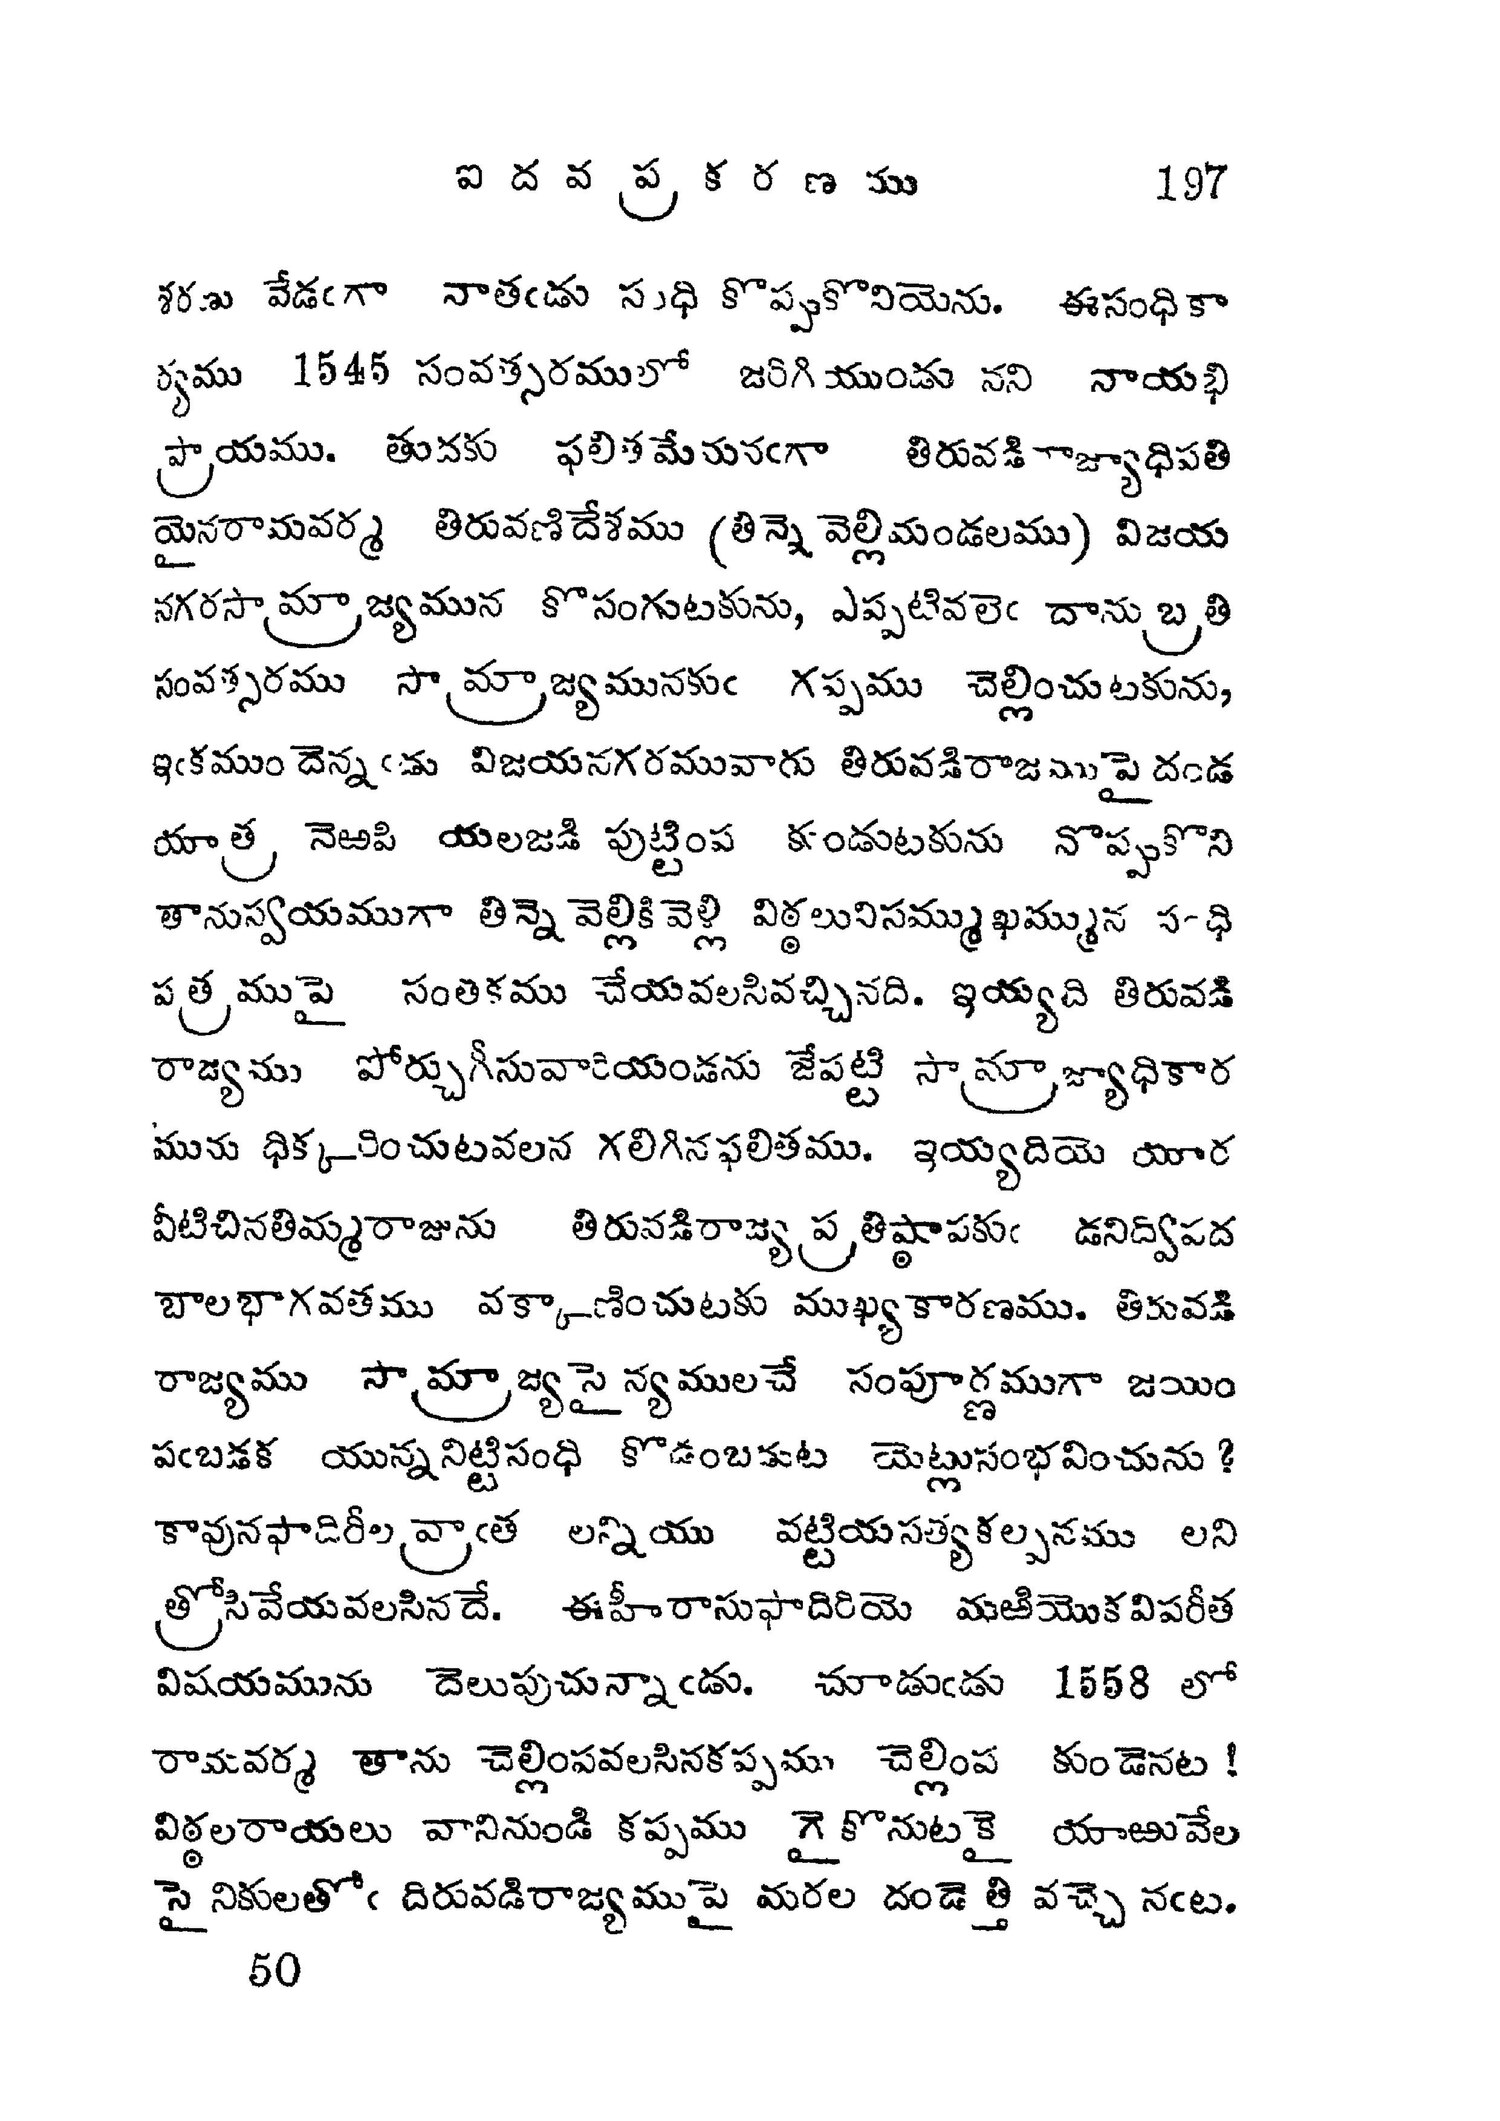శరణు వేడగా నాతడు సంధి కొప్పుకొనియెను. ఈసంధికార్యము 1545 సంవత్సరములో జరిగియుండు నని నాయభిప్రాయము. తుదకు ఫలితమేమనగా తిరువడిరాజ్యాధిపతియైన రామవర్మ తిరువణిదేశము (తిన్నెవెల్లిమండలము) విజయనగరసామ్రాజ్యమున కొసంగుటకును,ఎప్పటివలె దానుబ్రతిసంవత్సరము సామ్రాజ్యమునకు గప్పము చెల్లించుటకును, ఇకముందెన్నడు విజయనగరమువారు తిరువడిరాజ్యముపై దండయాత్ర నెఱపి యలజడి పుట్టింప కుండుటకును నొప్పుకొని తానుస్వయముగా తిన్నెవెల్లికివెళ్లి విఠ్ఠలునిసమ్ముఖమ్మున సంధిపత్రముపై సంతకము చేయవలసివచ్చినది. ఇయ్యది తిరువడి రాజ్యము పోర్చుగీసువారియండను జేపట్టి సామ్రాజ్యాధికారమును ధిక్కరించుటవలన గలిగినఫలితము. ఇయ్యదియె యారవీటిచినతిమ్మరాజును తిరువడిరాజ్యప్రతిష్ఠాపకు డనిద్విపదబాలభాగవతము వక్కాణించుటకు ముఖ్యకారణము. తిరువడి రాజ్యము సామ్రాజ్యసైన్యములచే సంపూర్ణముగా జయింపబడక యున్న నిట్టిసంధి కొడంబడుట యెట్లుసంభవించెను ? కావునఫాదిరీలవ్రాత లన్నియు వట్టియసత్యకల్పనము లని త్రోసివేయవలసినదే. ఈహీరాసుఫాదిరియె మఱియొకవిపరీత విషయమును దెలుపుచున్నాడు. చూడుడు 1558 లో రామవర్మ తాను చెల్లింపవలసినకప్పము చెల్లింప కుండెనట ! విఠ్ఠలరాయలు వానినుండి కప్పము గైకొనుటకై యాఱువేల సైనికులతో దిరువడిరాజ్యముపై మరల దండెత్తి వచ్చె నట.